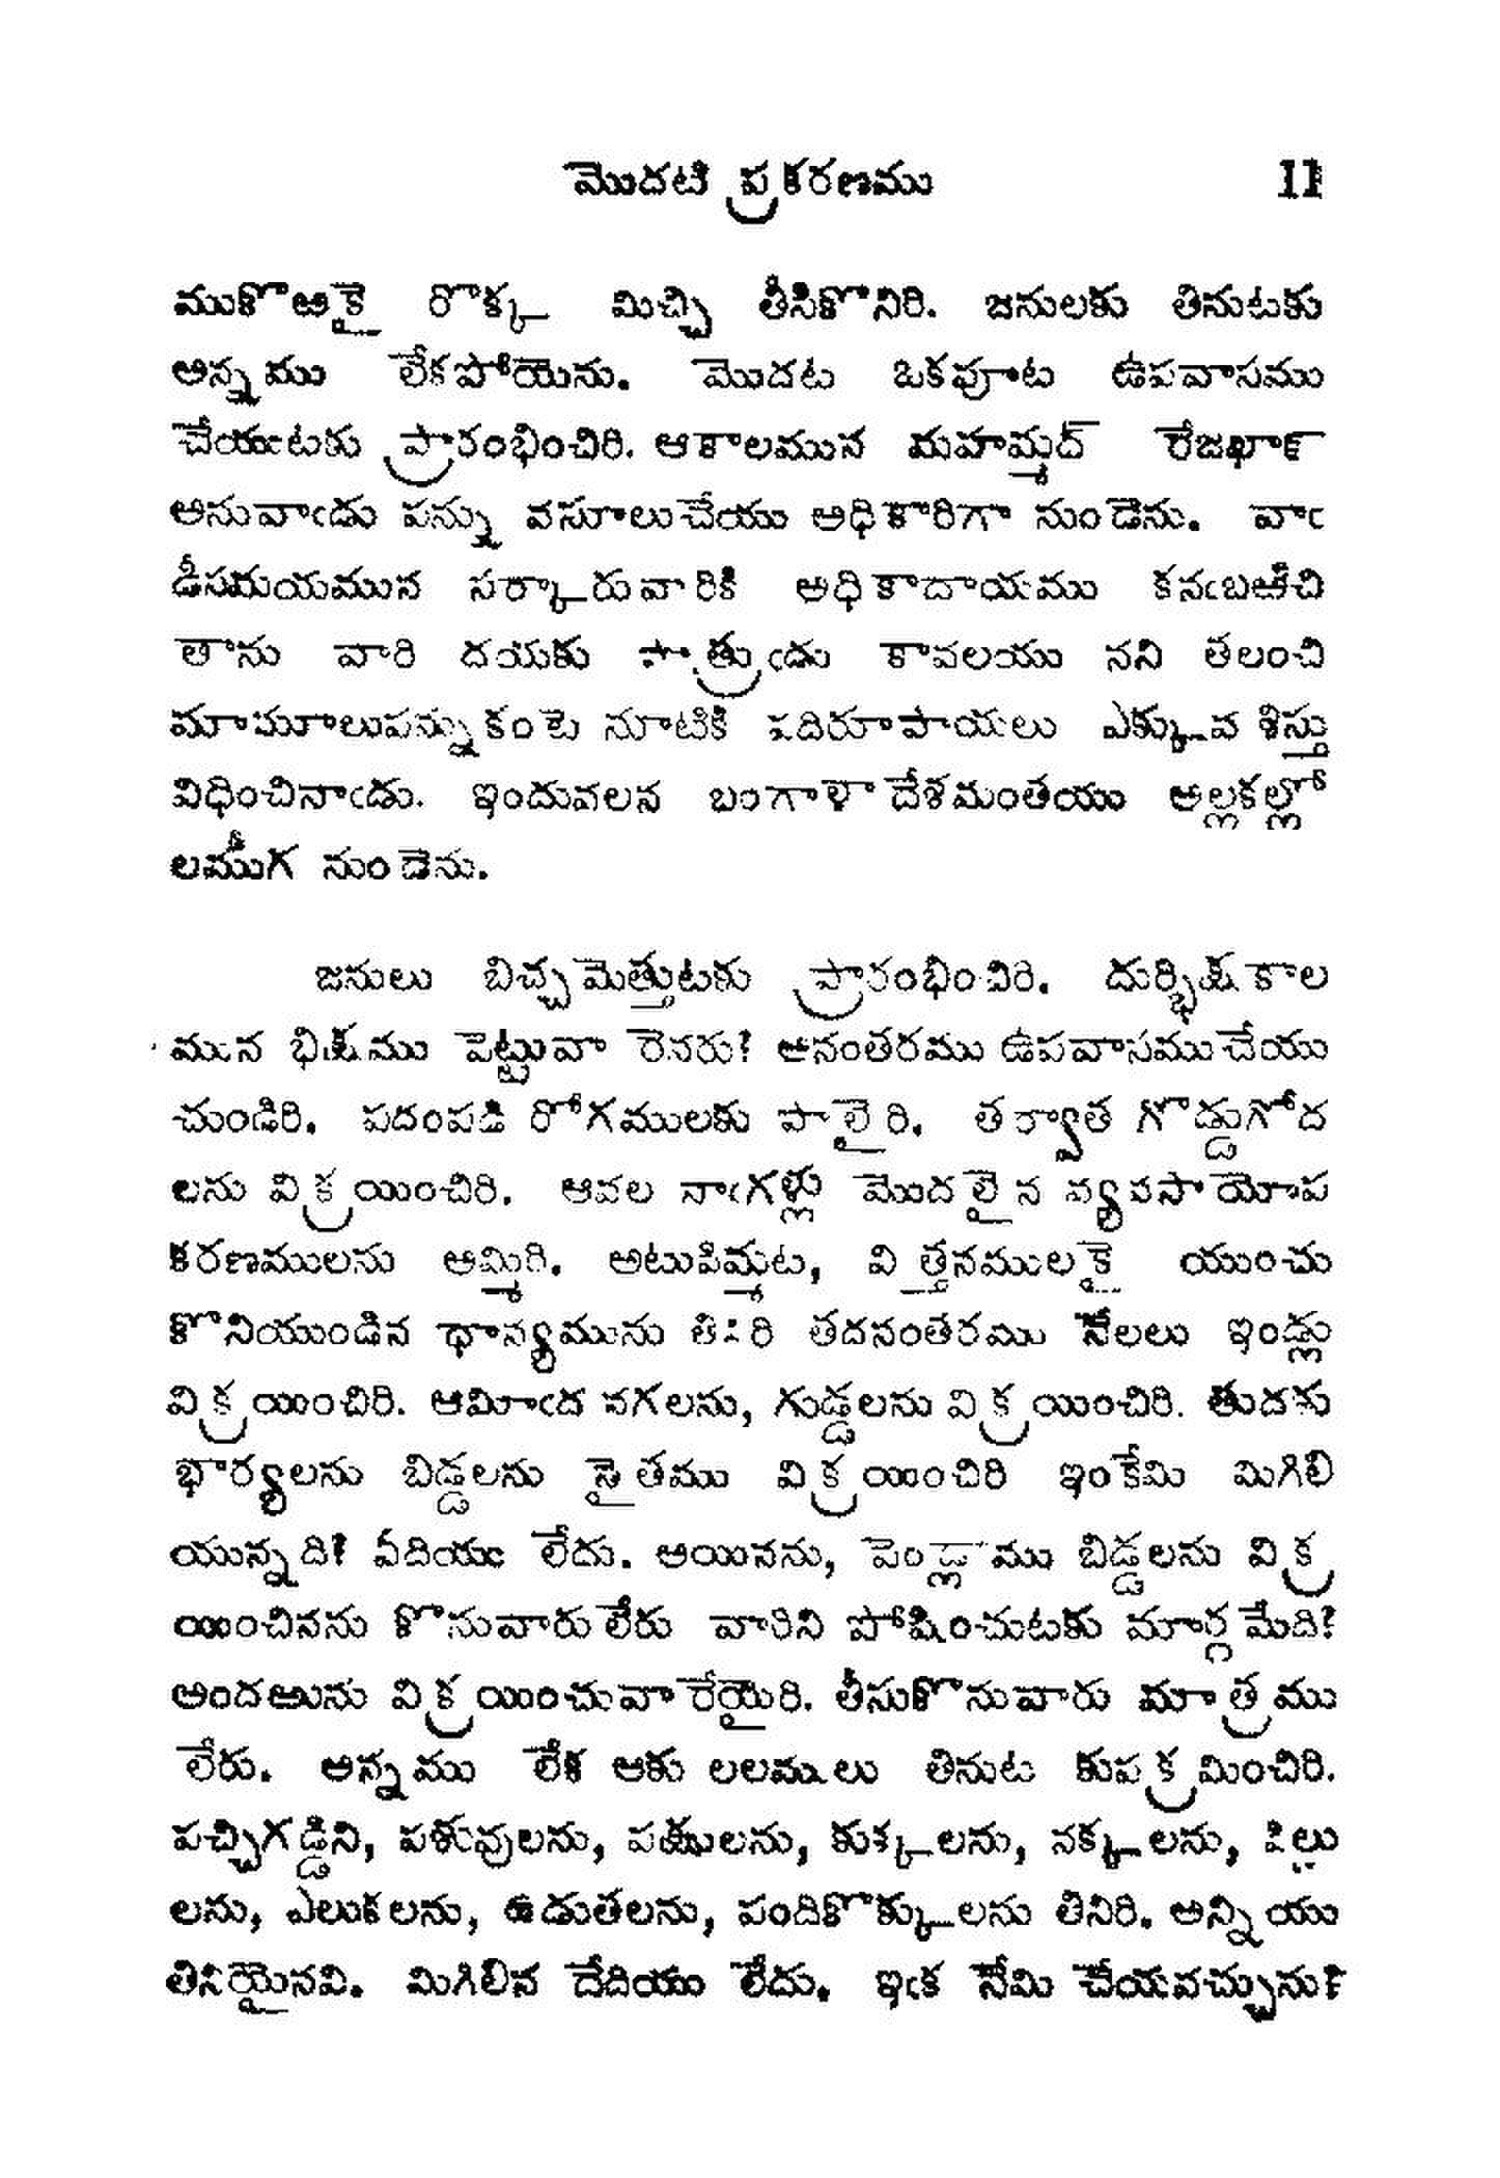ముకొఱకై రొక్క మిచ్చి తీసికొనిరి. జనులకు తినుటకు అన్నము లేకపోయెను. మొదట ఒకపూట ఉపవాసము చేయుటకు ప్రారంభించిరి. ఆకాలమున మహమ్మద్ రేజఖా౯ అనువాఁడు పన్ను వసూలు చేయు అధికారిగా నుండెను. వాఁడీసమయమున సర్కారు వారికి అధికాదాయము కనఁబఱిచి తాను వారి దయకు పాత్రుఁడు కావలయునని తలంచి మామూలుపన్ను కంటే నూటికి పదిరూపాయలు ఎక్కువ శిస్తు విధించినాఁడు. ఇందువలన బంగాళా దేశమంతయు అల్లకల్లోలముగ నుండెను.

జనులు బిచ్చ మెత్తుటకు ప్రారంభించిరి. దుర్భిక్ష కాలమున భిక్షము పెట్టువా రెవరు? ఆనంతరము ఉపవాసము చేయు చుండిరి. పదంపడి రోగములకు పాలైరి. తర్వాత గొడ్డుగోదలను విక్రయించిరి. ఆవల నాఁగళ్లు మొదలైన వ్యవసాయోపకరణములను అమ్మిరి. అటుపిమ్మట, విత్తనములకై యుంచు కొనియుండిన ధాన్యమును తినిరి తదనంతరము నేలలు ఇండ్లు విక్రయించిరి. ఆమీఁద నగలను, గుడ్డలను విక్రయించిరి. తుదకు భార్యలను బిడ్డలను సైతము విక్రయించిరి ఇంకేమి మిగిలి యున్నది? ఏదియు లేదు. అయినను, పెండ్లాము బిడ్డలను విక్రయించినను కొనువారు లేరు వారిని పోషించుటకు మార్గమేది? అందఱును విక్రయించువారేయైరి. తీసుకొనువారు మాత్రము
లేరు. అన్నము లేక ఆకు లలములు తినుట కుపక్రమించిరి. పచ్చిగడ్డిని, పశువులను, పక్షులను, కుక్కలను, నక్కలను, పిల్లు
లను, ఎలుకలను, ఉడుతలను, పందికొక్కులను తినిరి. అన్నియు తినియైనవి. మిగిలిన దేదియు లేదు, ఇఁక నేమి చేయవచ్చును?